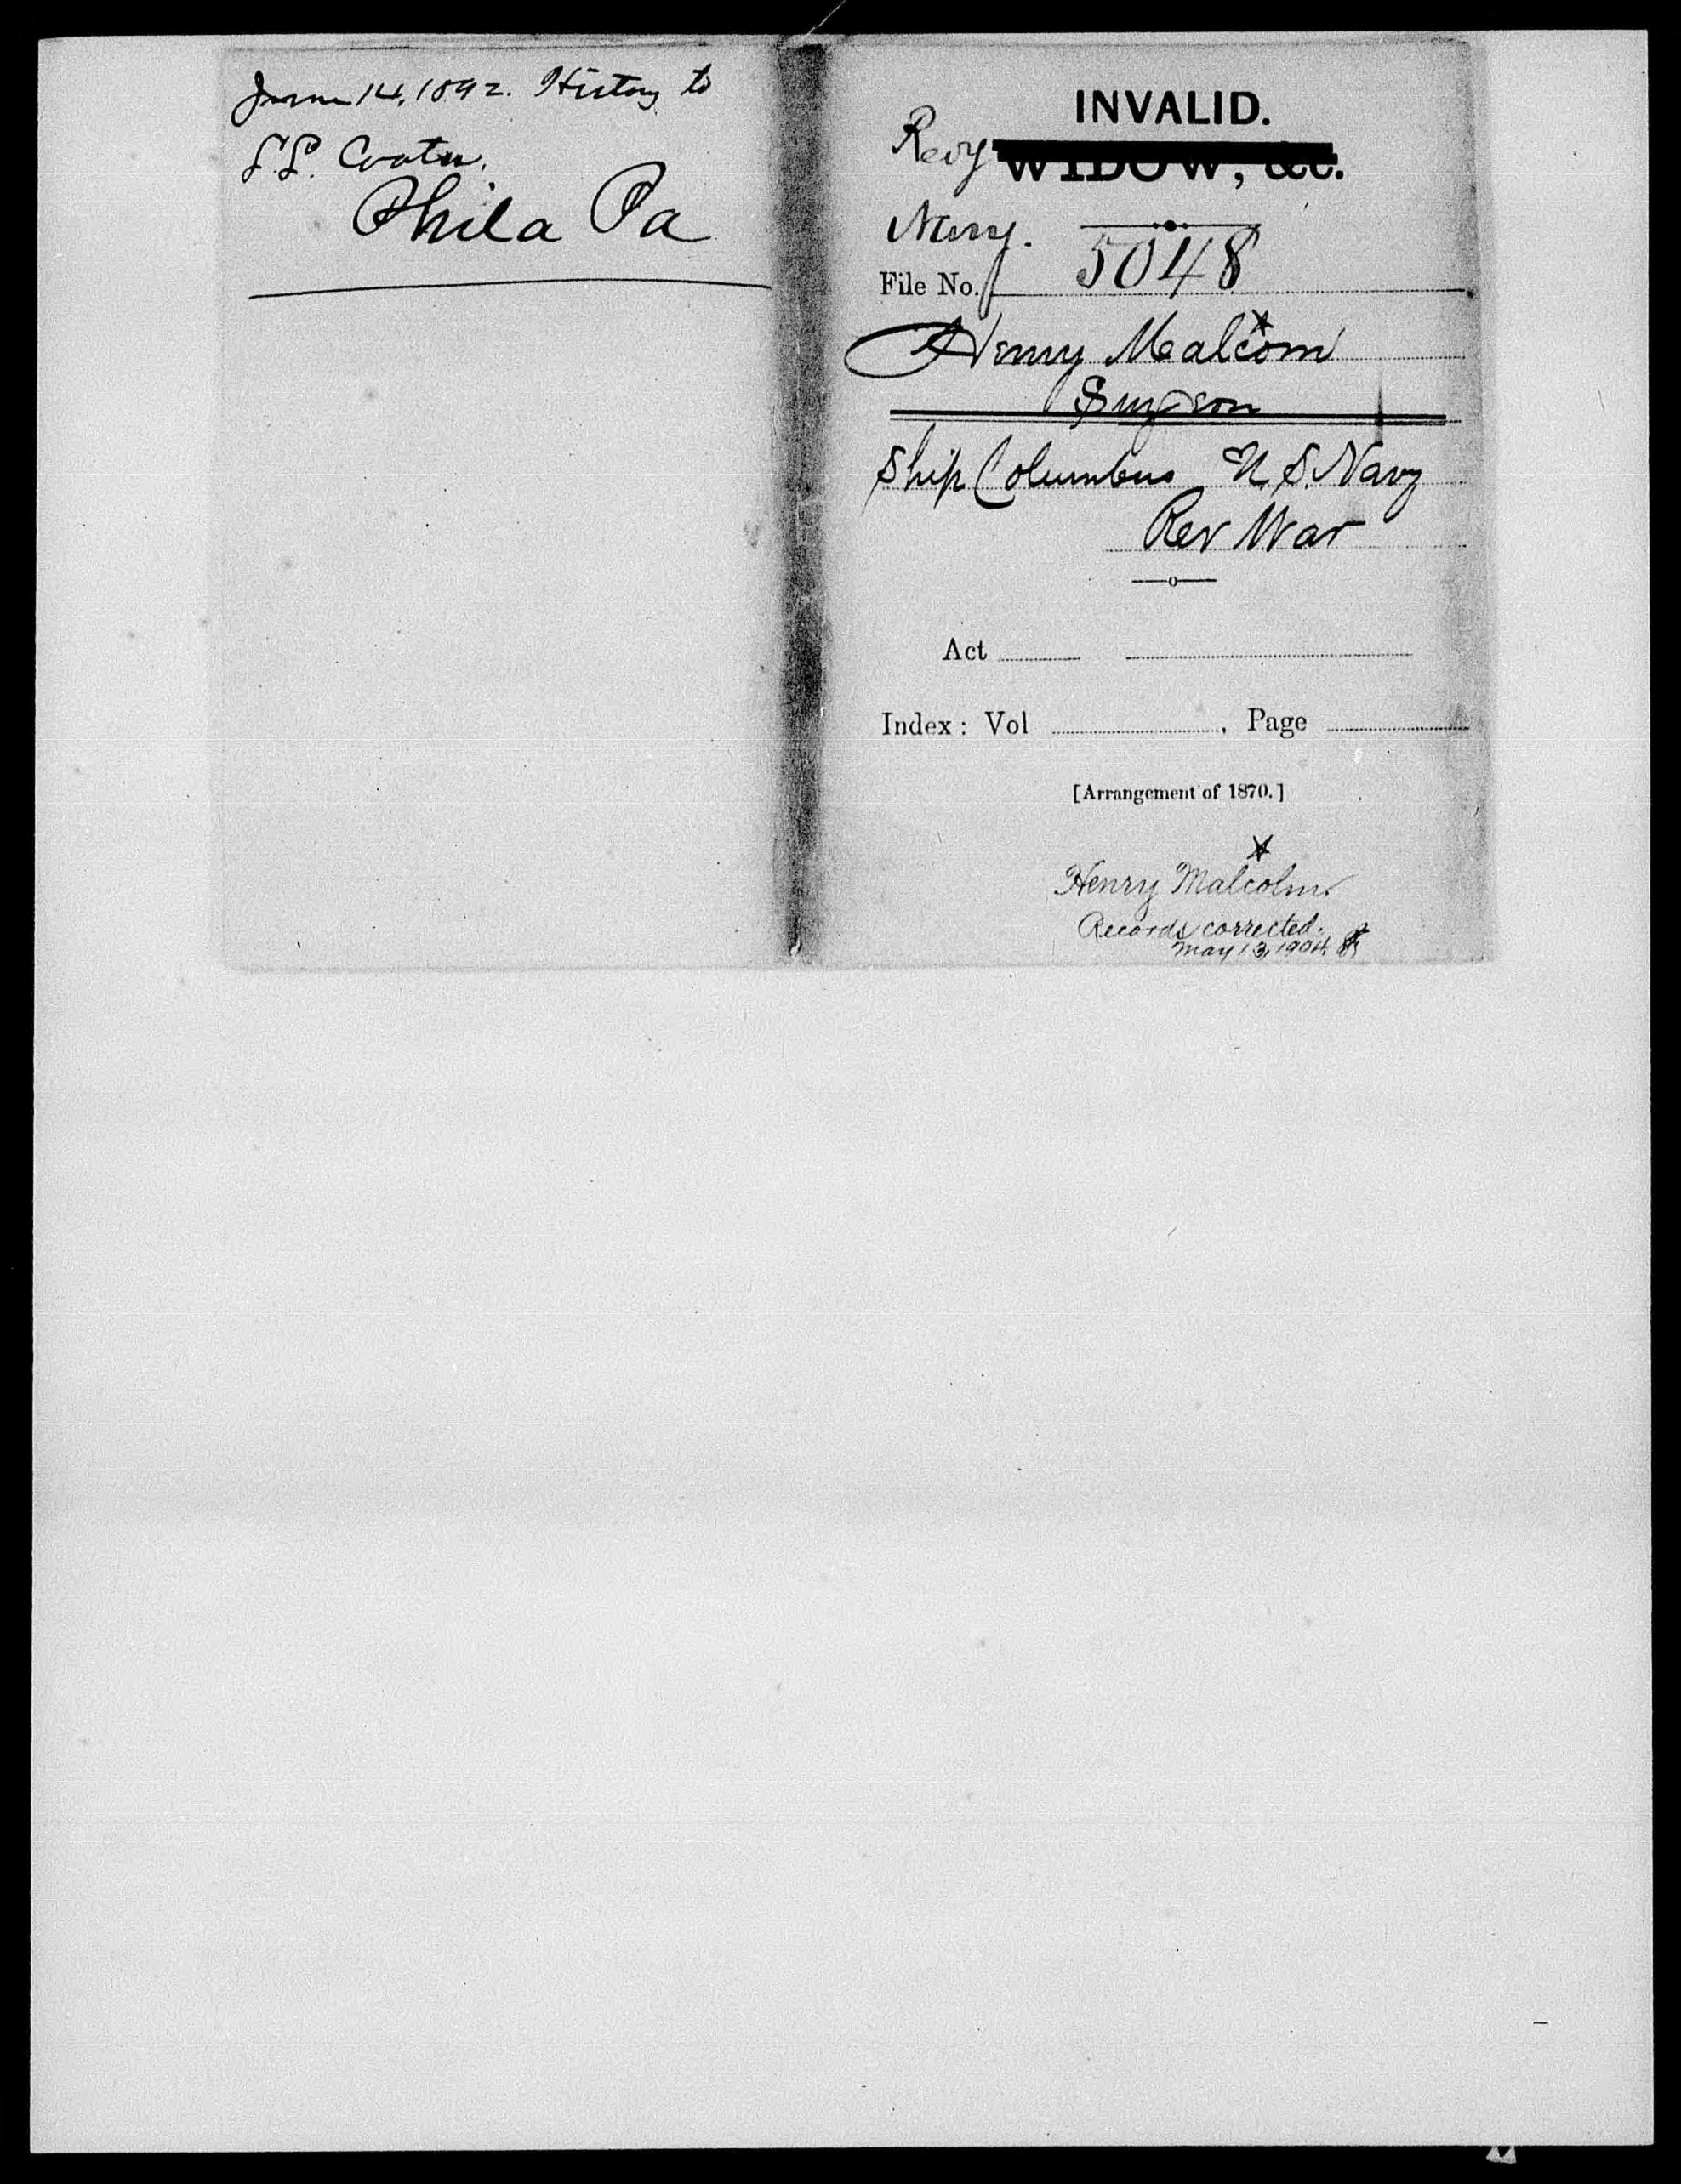[A file jacket, on the right side]

INVALID.
Revy Navy [The words "WIDOW, &c." crossed out]

File No.	5048

Henry Malcom Surgeon [A star drawn over Malcom]
Ship Columbus U.S. Navy Rev. War

Act 	

Index: Vol             , Page      

[Arrangement of 1870.]

Henry Malcolm [A star drawn over Malcolm, with a star drawn over Malcolm]
Records corrected May 13, 1904 [illegible initials]

[On the right side]

1June 14, 1892.  History to S. S. Coates, Phila Pa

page: 14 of 28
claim: survivor's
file: S. 5,048, for Henry Malcolm